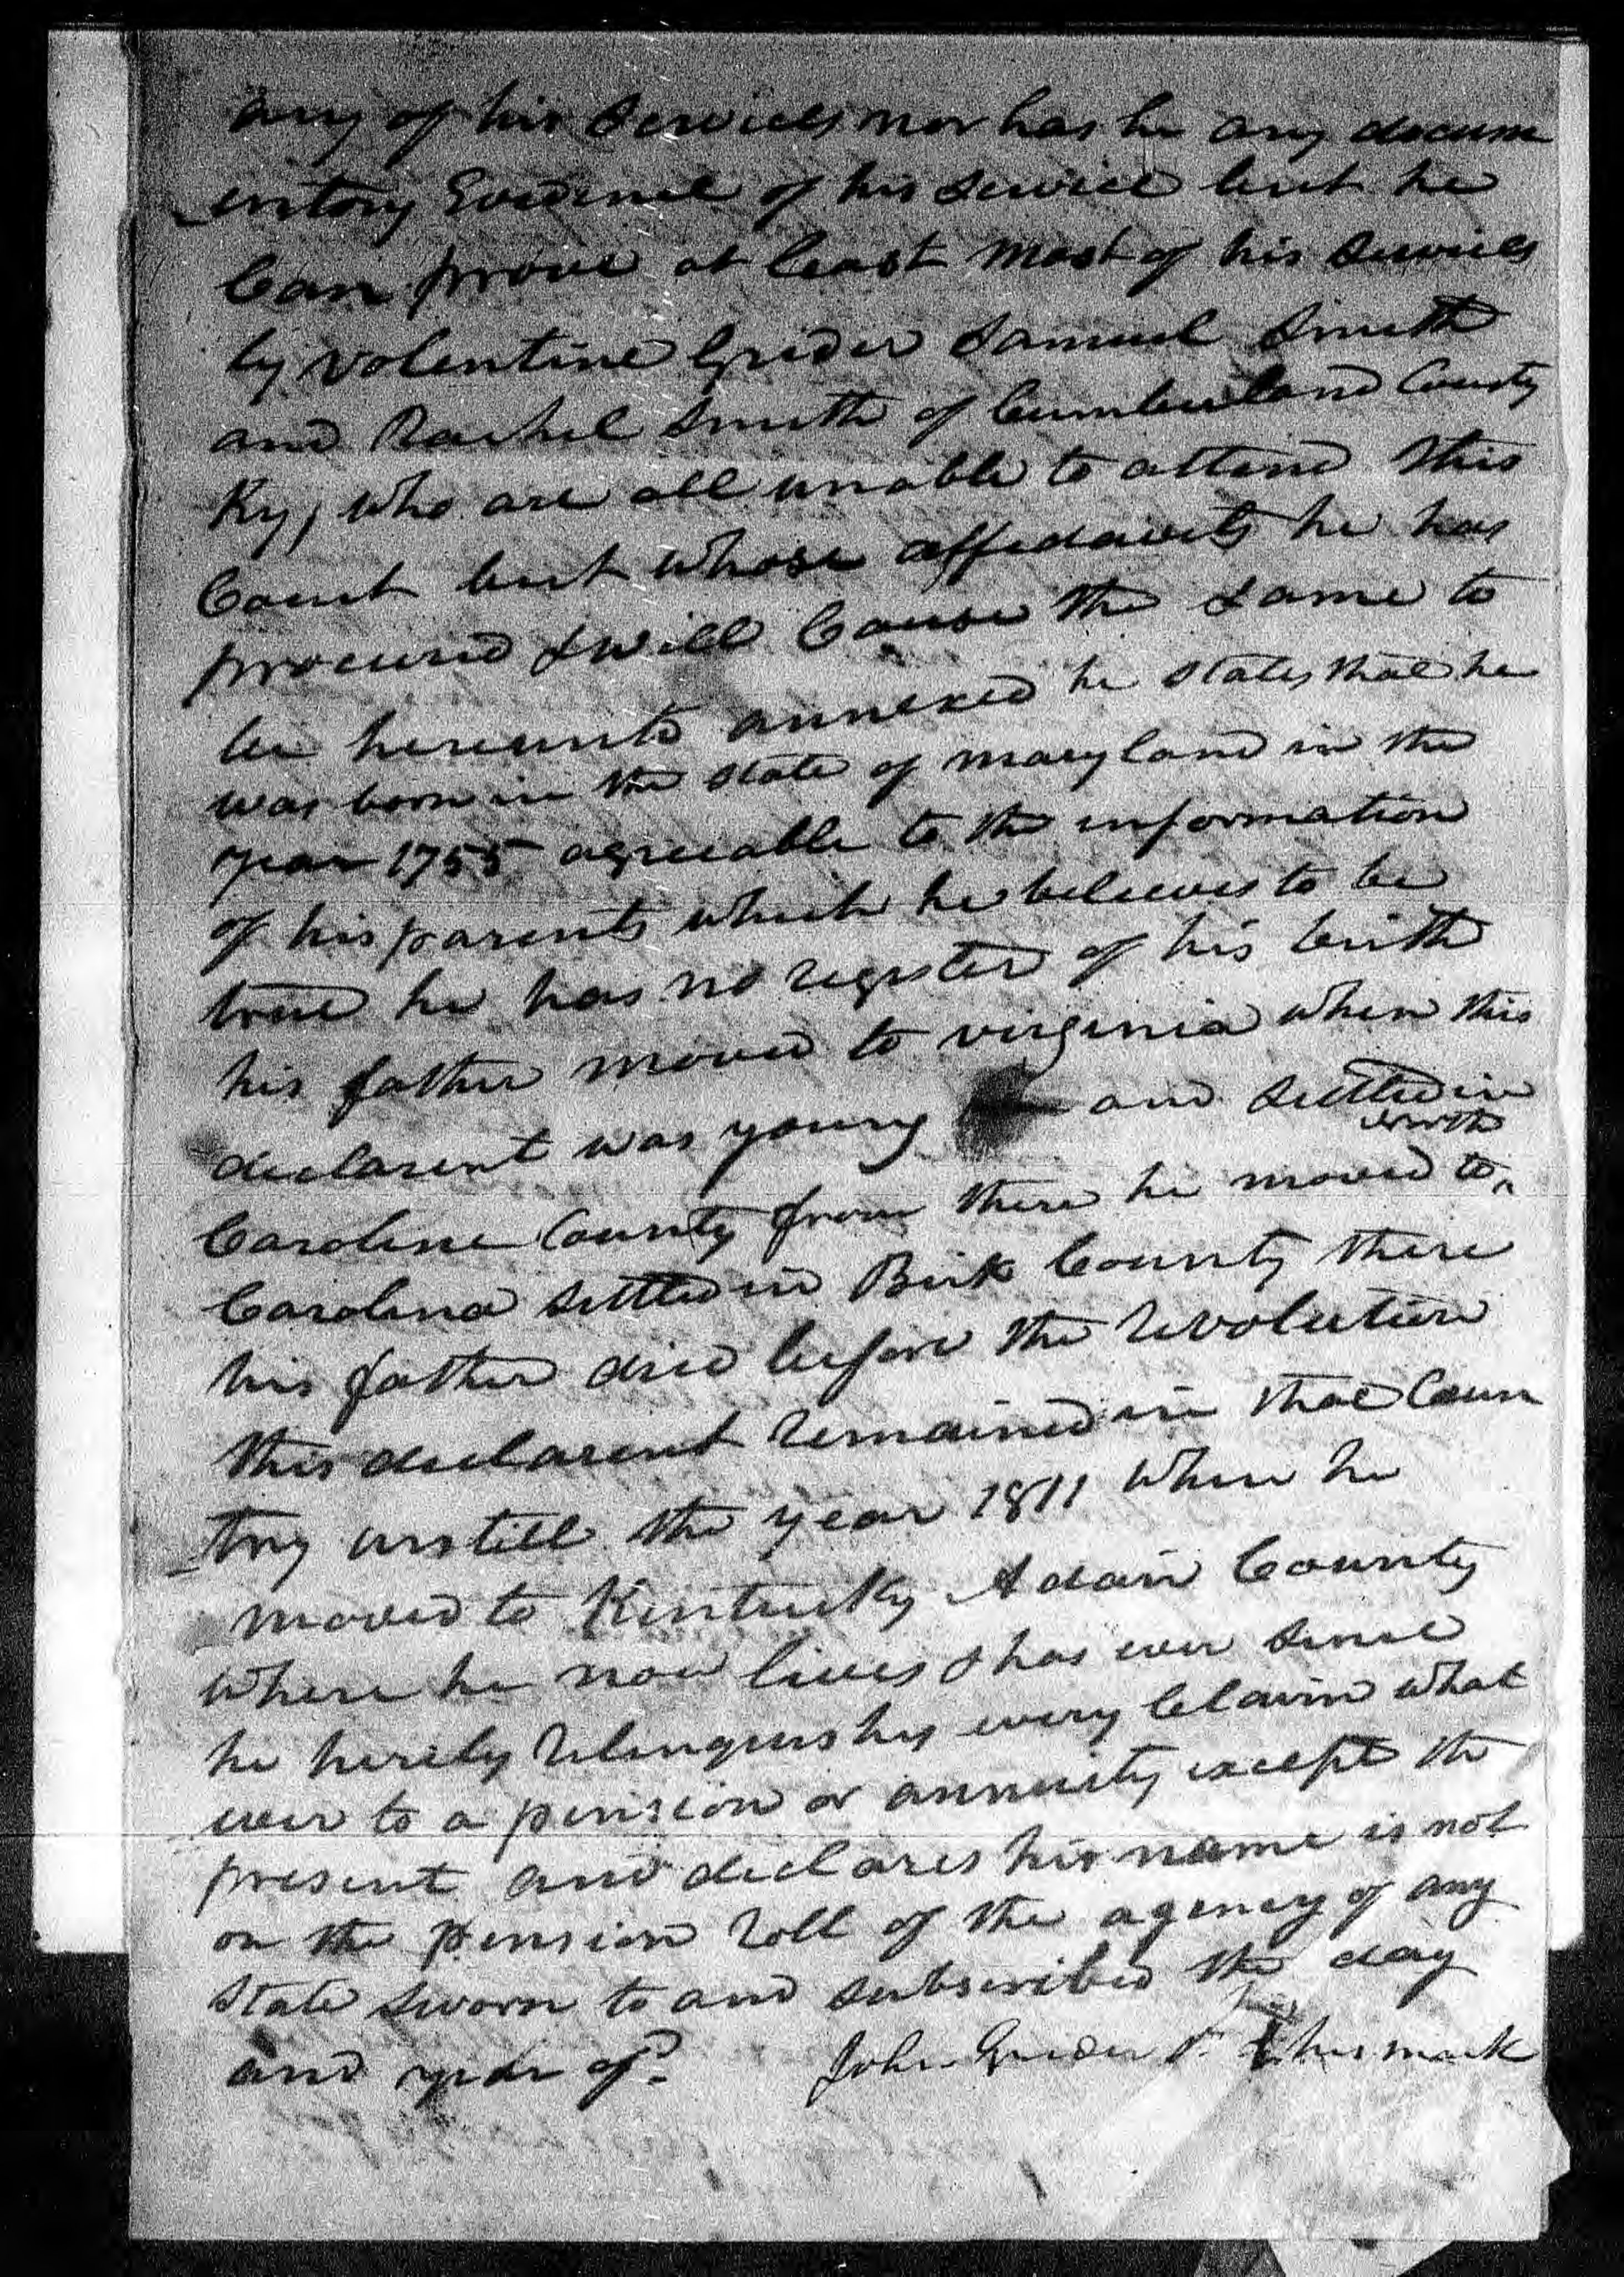any of his services nor has he any documentary evidence of his service but he can prove at least most of his service by Volentine Grider Samuel Smith and Rachel Smith of Cumberland County Ky, who are all unable to attend this court but whose affidavits he has procured and will cause the same to be hereunto annexed he states that he was born in the state of Maryland in the year 1755 agreeable to the information of his parents which he believes to be true he has no register of his birth his father moved to Virginia when this  declarant was young and settled in Caroline county from there he moved to North Carolina  settled in berk county there  his father died before the revolution This declarant remained in that county untill [until] the year 1811 when he moved to Kentucky Adair County Where he now lives and has ever since he hereby relinquishes every claim whatever to a pension or annuity except the present and declares his name is not on the pension roll of the agency or any state. Sworn to and subscribed the day and year of.  [signed] John Grider (his mark)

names: Volentine Grider, John Grider, Rachel Smith, Samuel Smith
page: 10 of 91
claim: widow's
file: W 358, John Grider, N.C.